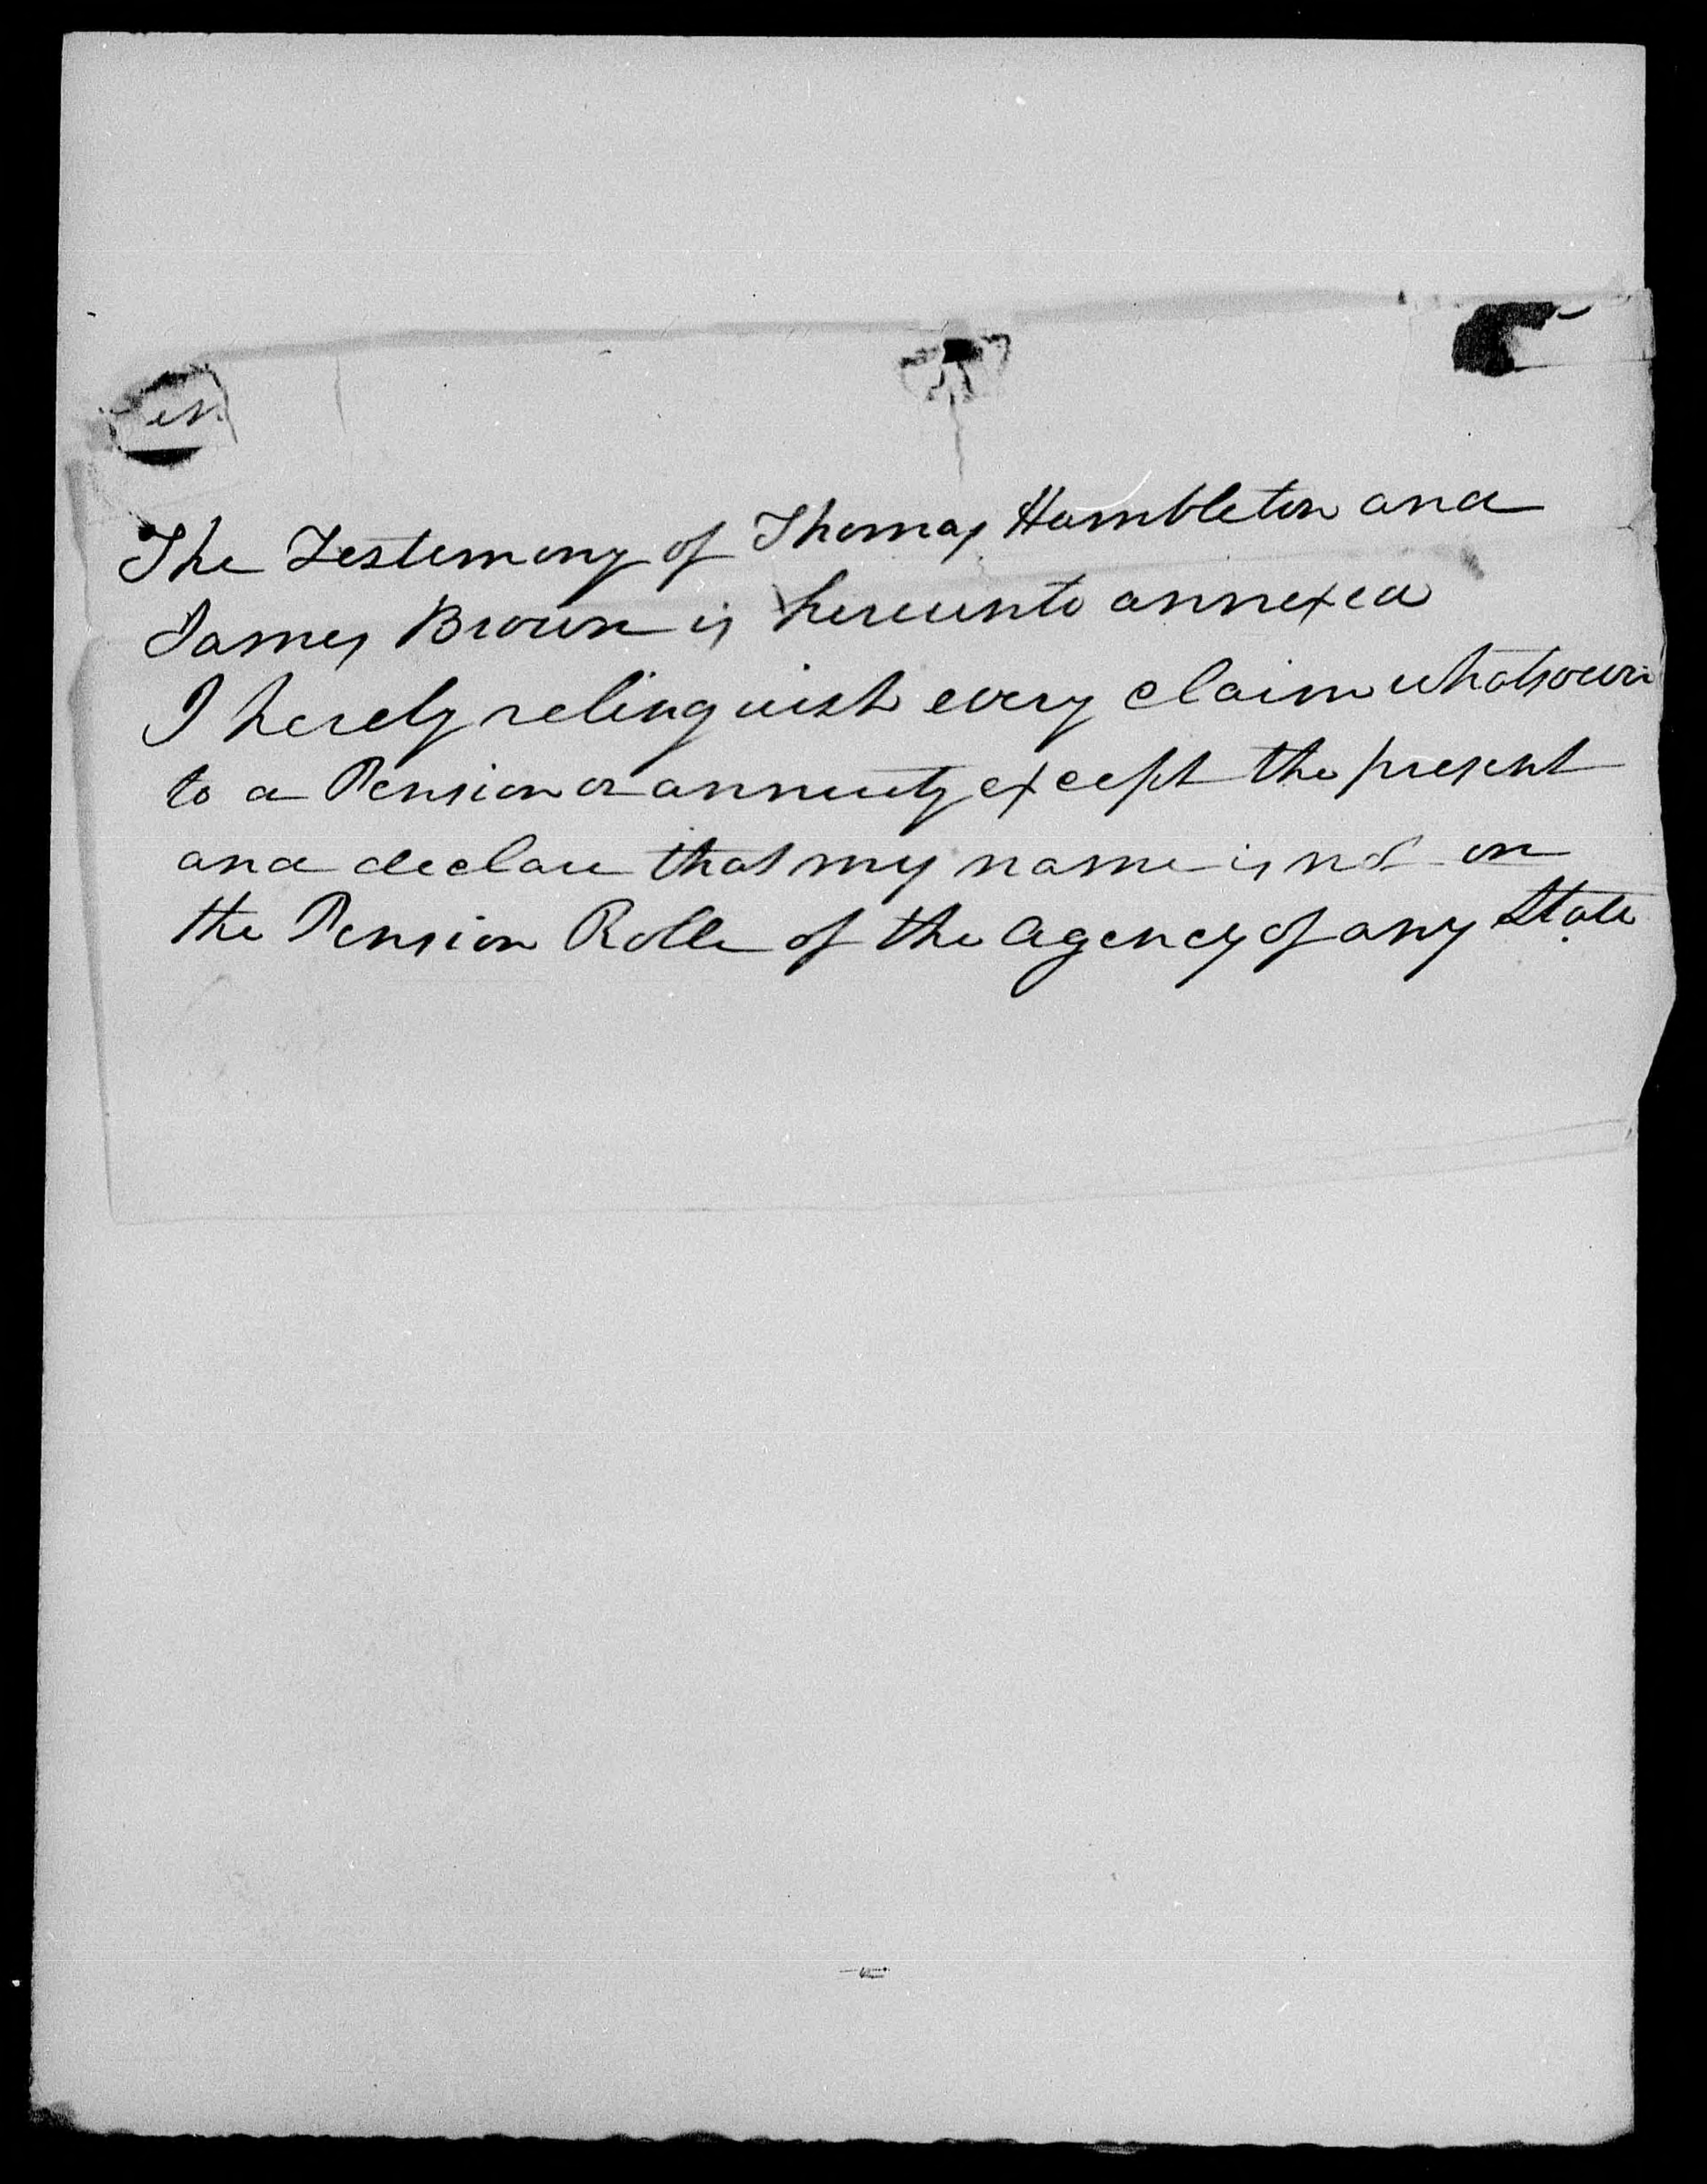TheTestimony of Thomas Hambleton and
James Brown is hereunto annexed
I hereby relinquish every claim whatsoever
to a pension or annuity except the present
and declare that my name is not on
the Pension Rolls of the agency of any State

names: James Brown, Thomas Hambleton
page: 39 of 55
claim: widow's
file: W. 22864, John Craig, S.C. Born In Iceland